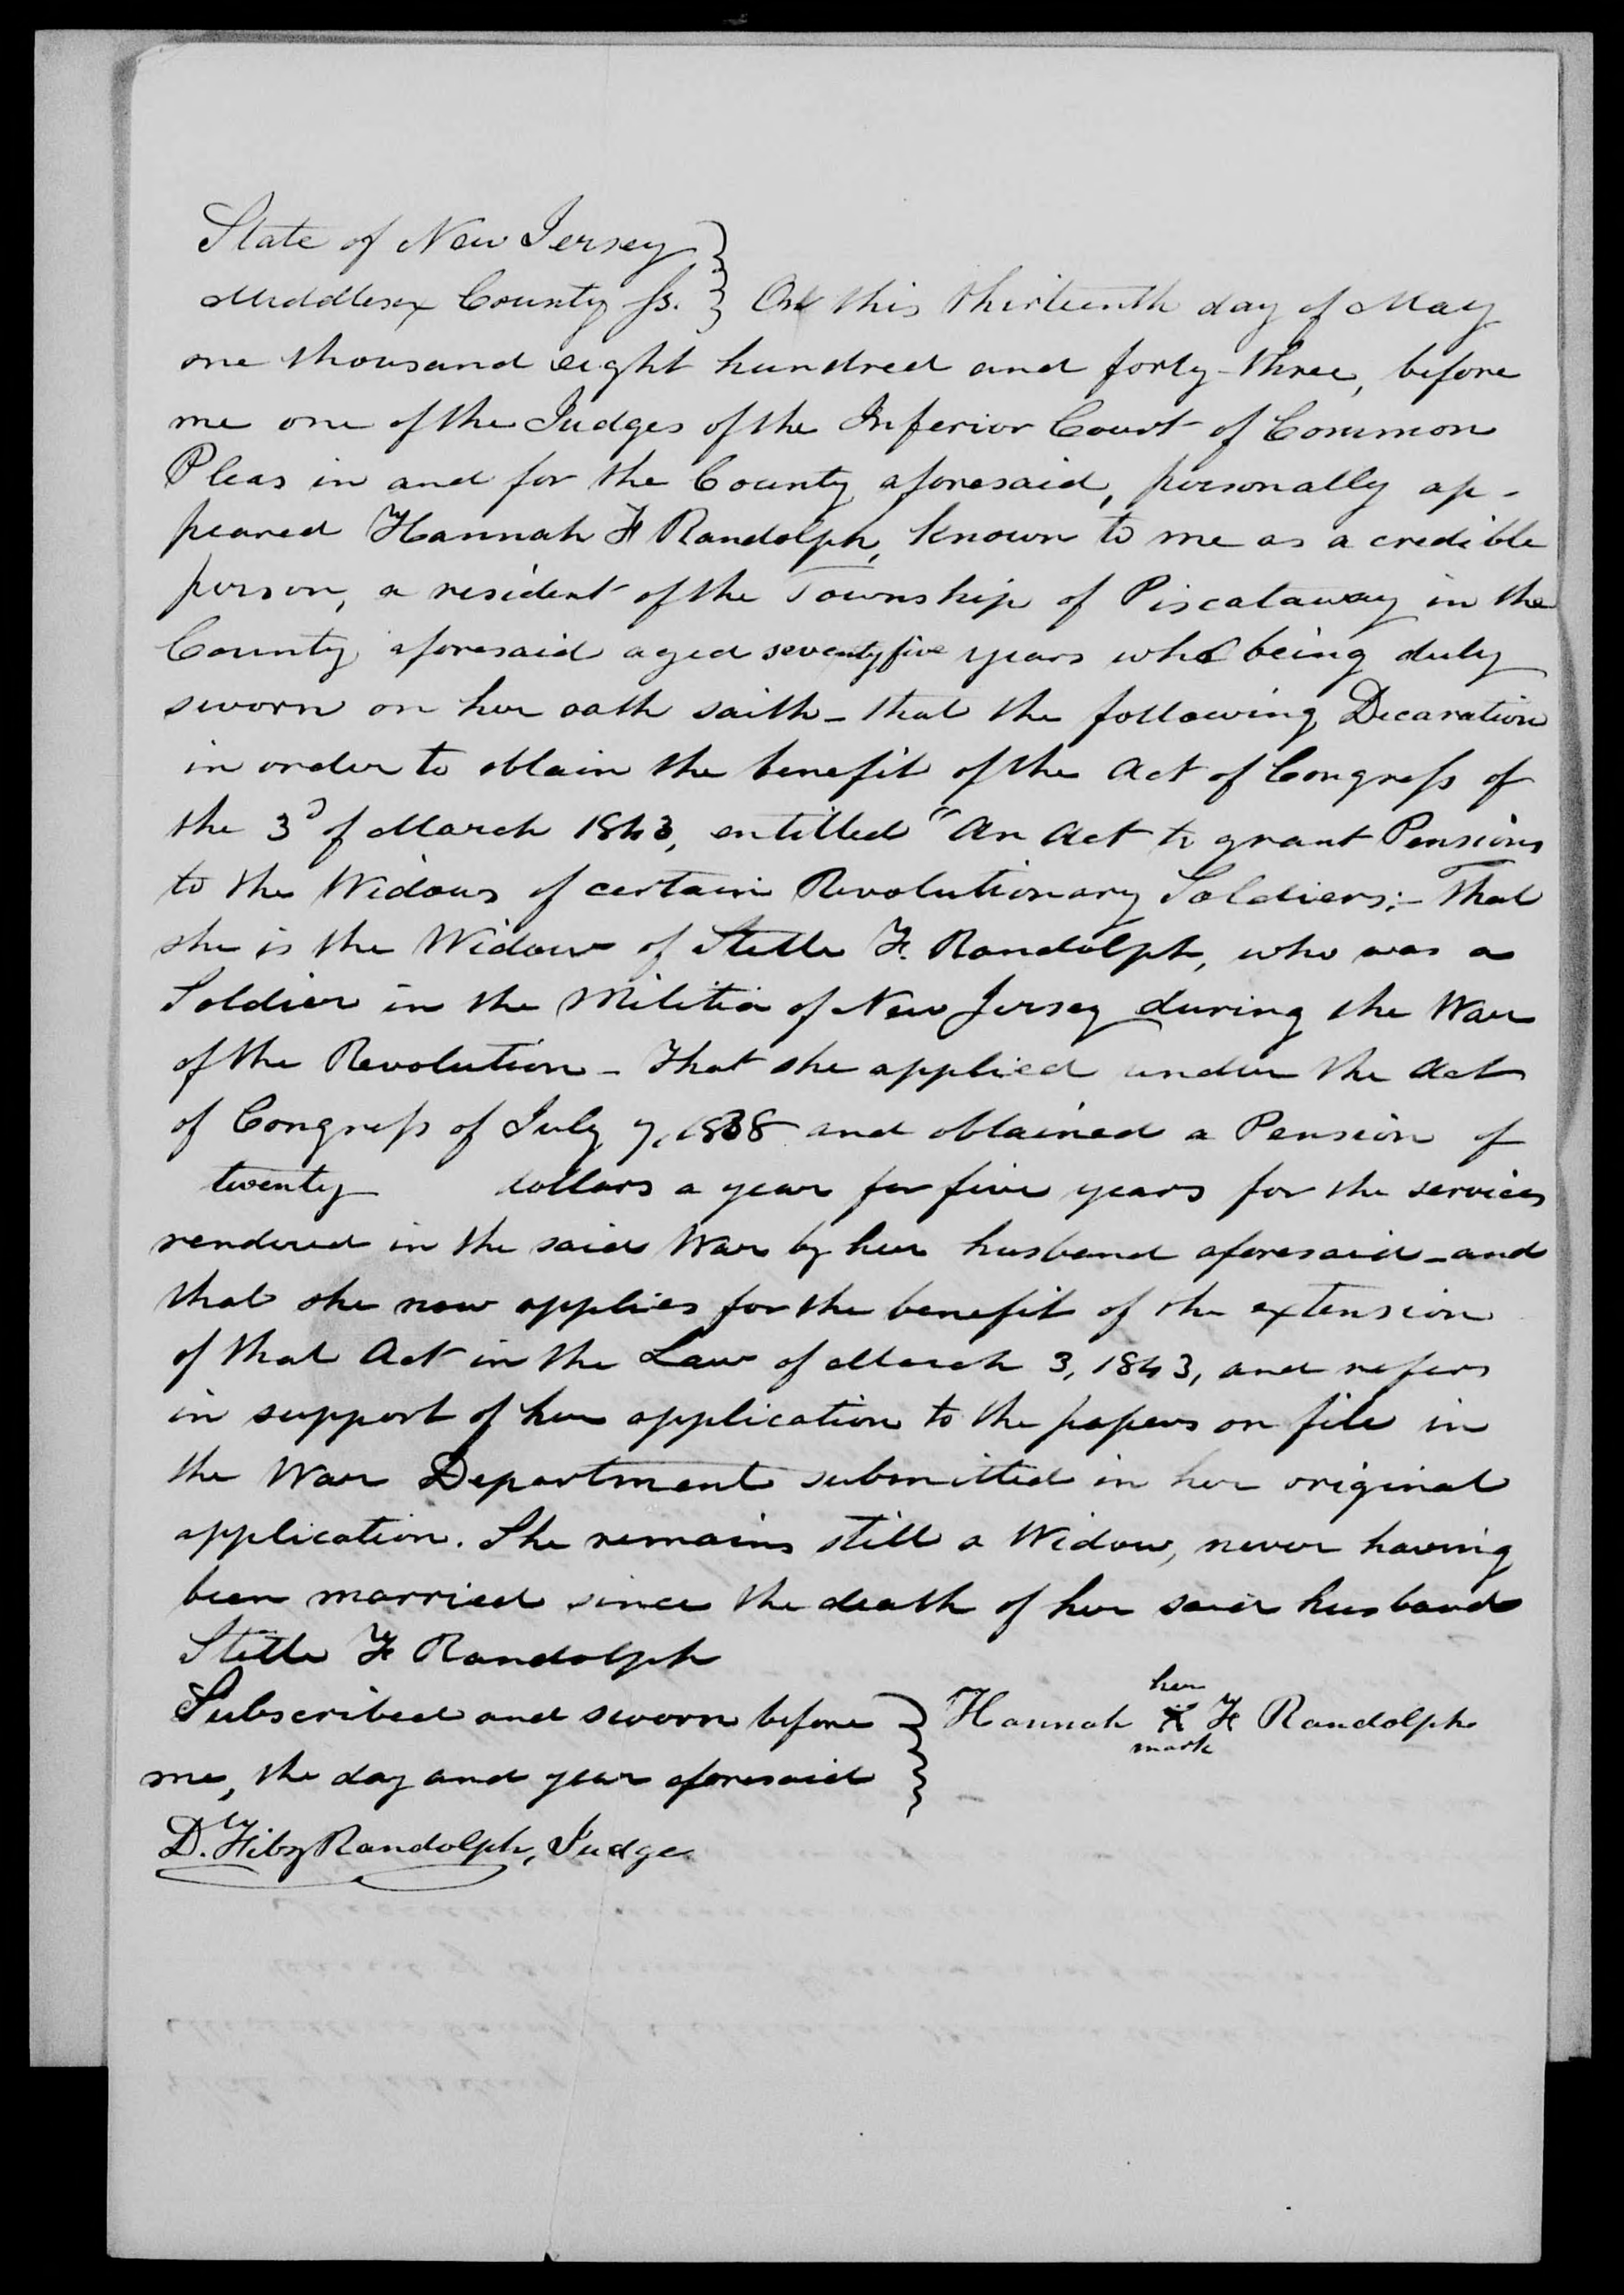State of New Jersey
Middlesex County fs.
On this thirteenth day of May one thousand eight hundred and forty-three, beofre me one of the Judges of the Inferior Court of Common Please in and for the County aforesaid, personally appeared Hannah F Randolph, known to me as a credible person, a resident of the Township of Pincalaway in the County aforesaid aged seventy give years who being duly sworn on her oath saith that they following Decaration [Declaration] in order to obtain the benefits of the Act of Congress of the 3rd of March 1843, entitled "An Act to grand Pensions to the Widows of certain Revolutionary Soldiers"l That she is the Widow of Stelle F. Randolph, who was a Soldier in the Militia of New Jersey during the War of the Revolution. That she applied under the Act of Congress of July 7, 1838 and obtained a Pension of twenty dollars a year for five years for the services rendered in the said War by her husband aforesaid and that she now applies for the benefit of the extension of that Act in the Law of March 3, 1843, and [illegible] in support of her application to the papers on file in the War Department submitted in her original application. She remains still a Widow, never having been married since the death of her said husband Stelle F. Randolph
Subscribed and sworn before one, the day and year aforesaid
Hannah F. Randolph her mark
D. Fibz Randolph, Judge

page: 26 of 33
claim: widow's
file: W. 5,665, for Stelle F Randolph, New Jersey